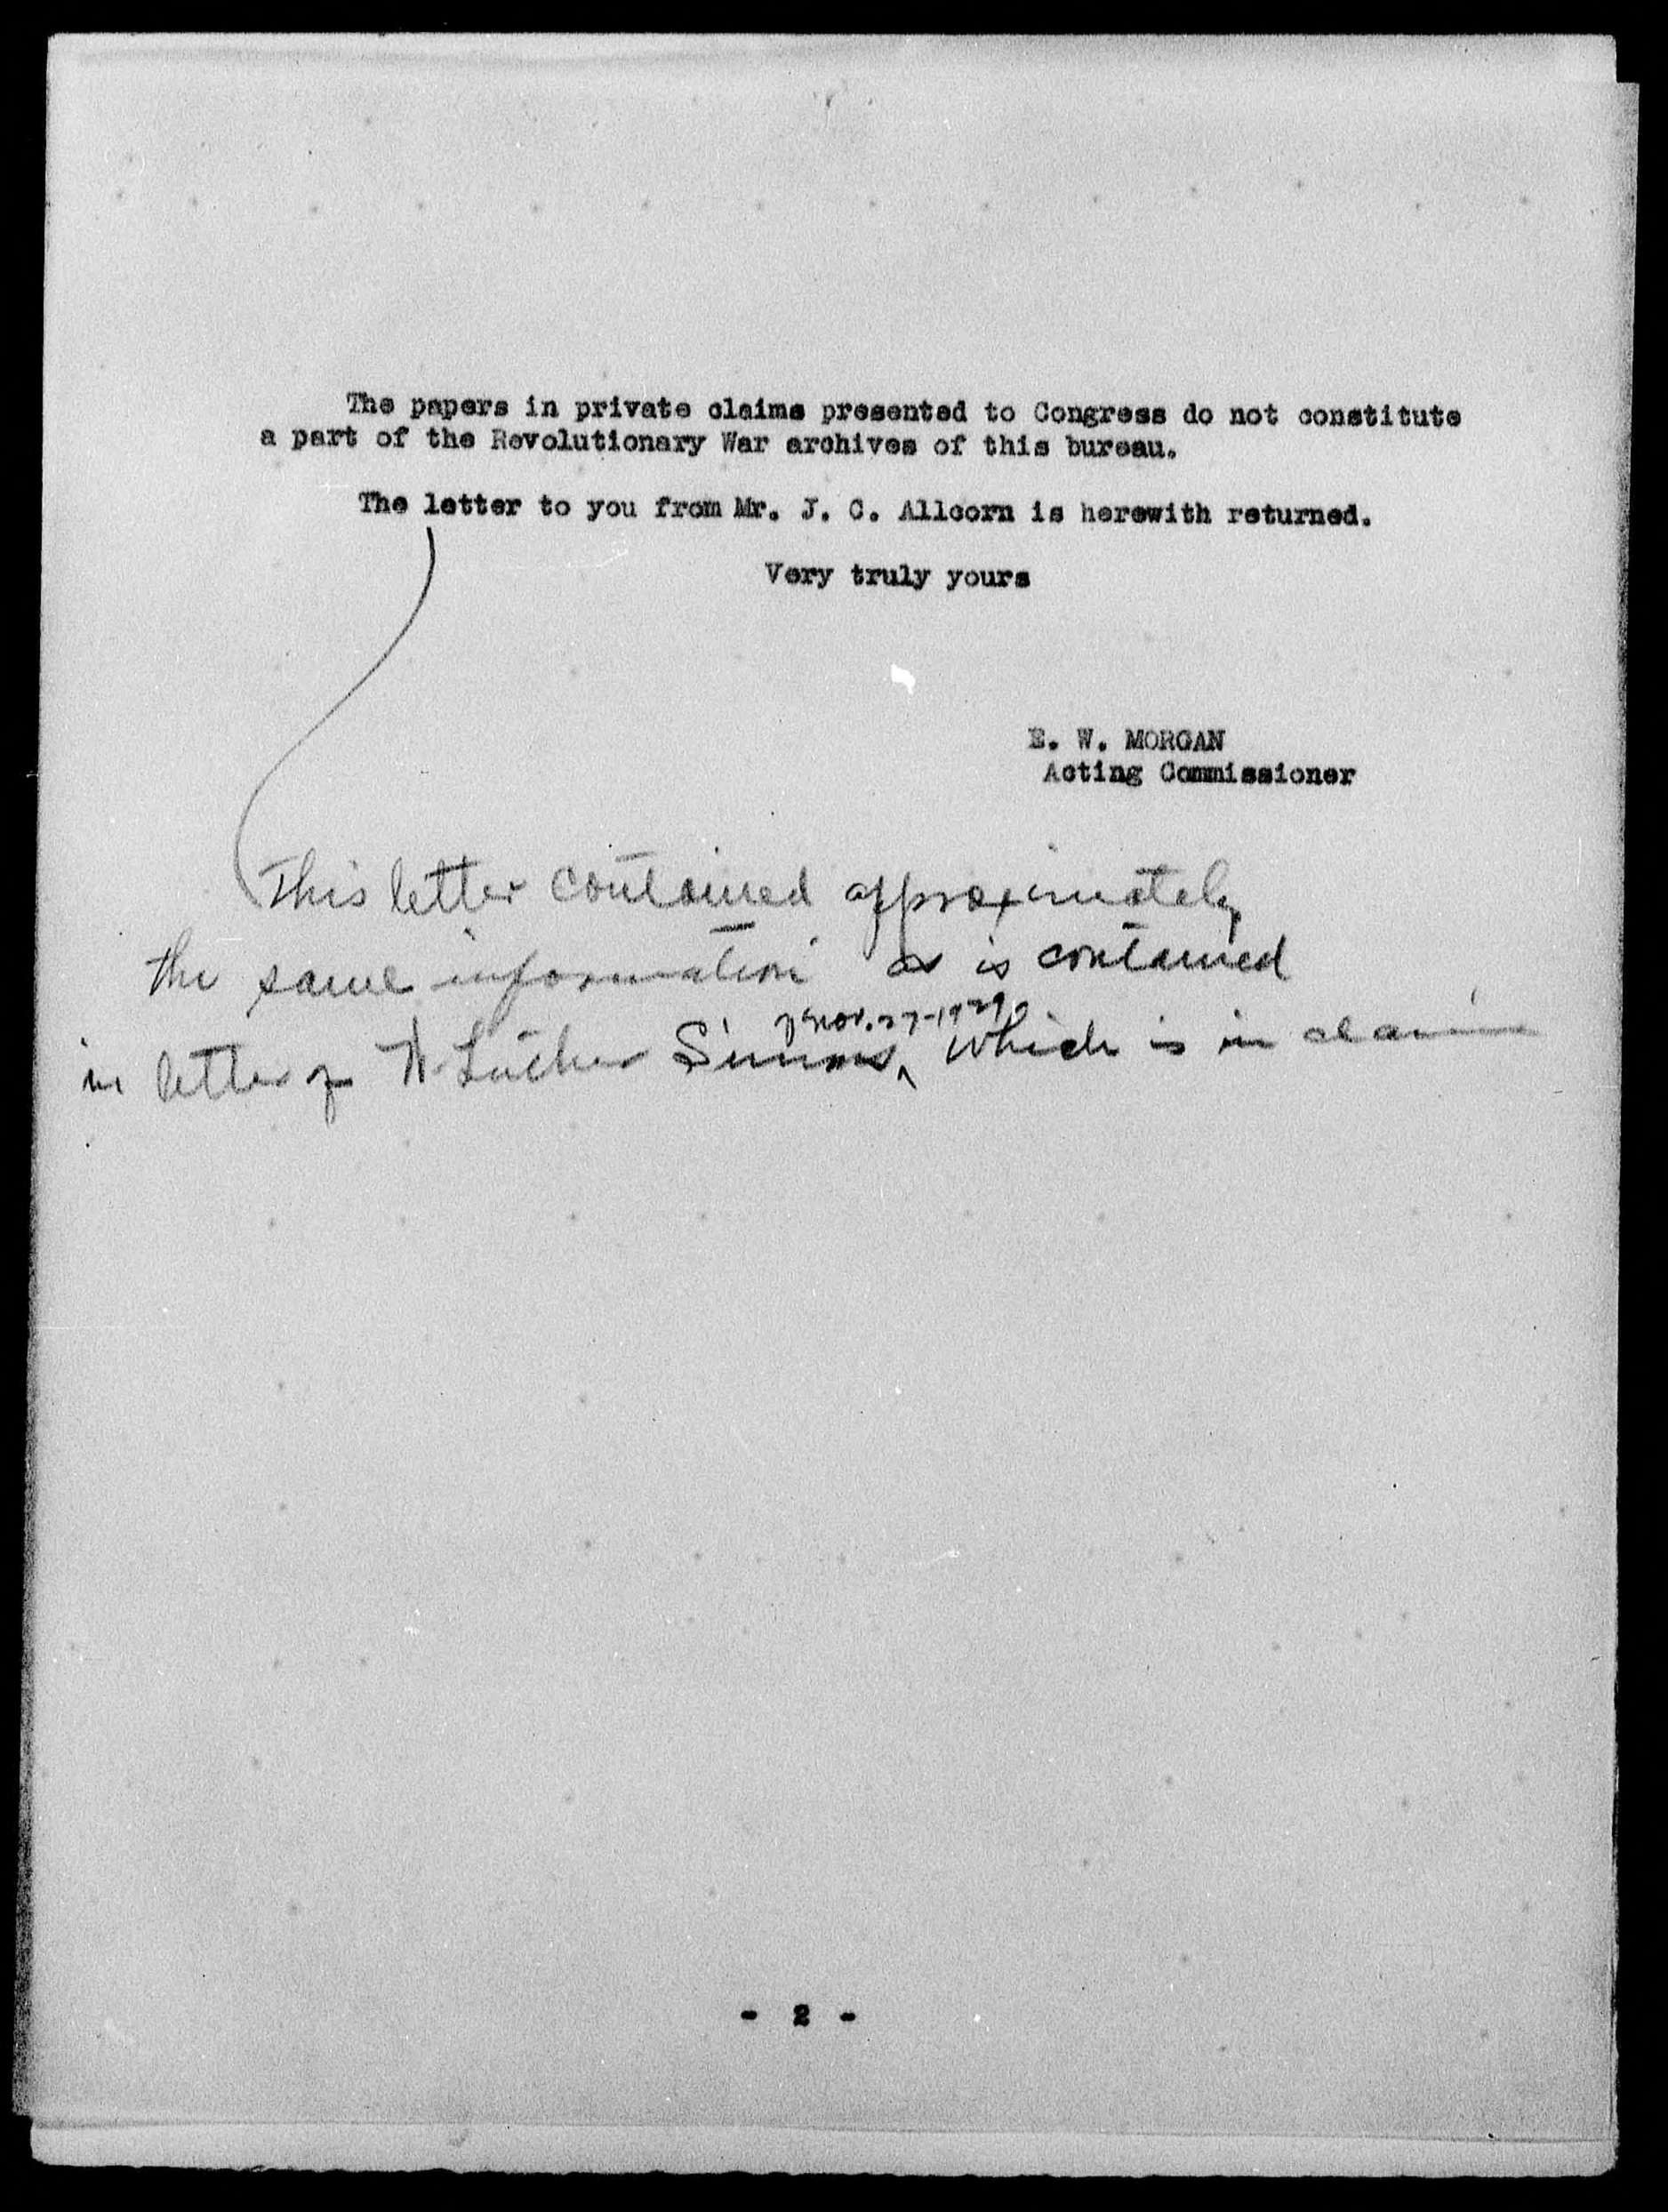The papers in private claims presented to Congress do not constitute a part of the Revolutionary War archives of this bureau.
The letter to you from Mr. J. C. Allcorn is herewith returned.
Very truly yours
E.W. Morgan
Acting Commissioner

[handwritten underneath]
This letter [arrow drawn to Mr. Allcorn's letter referenced above] contained approximately the same information as is contained in the letter of W. Luther Simmons of Nov 27, 1929 which is in claim.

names: Luther Simons, E W Morgan, J C Allcorn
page: 11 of 32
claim: rejected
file: R. 4655, Jesse Harris, N.C.